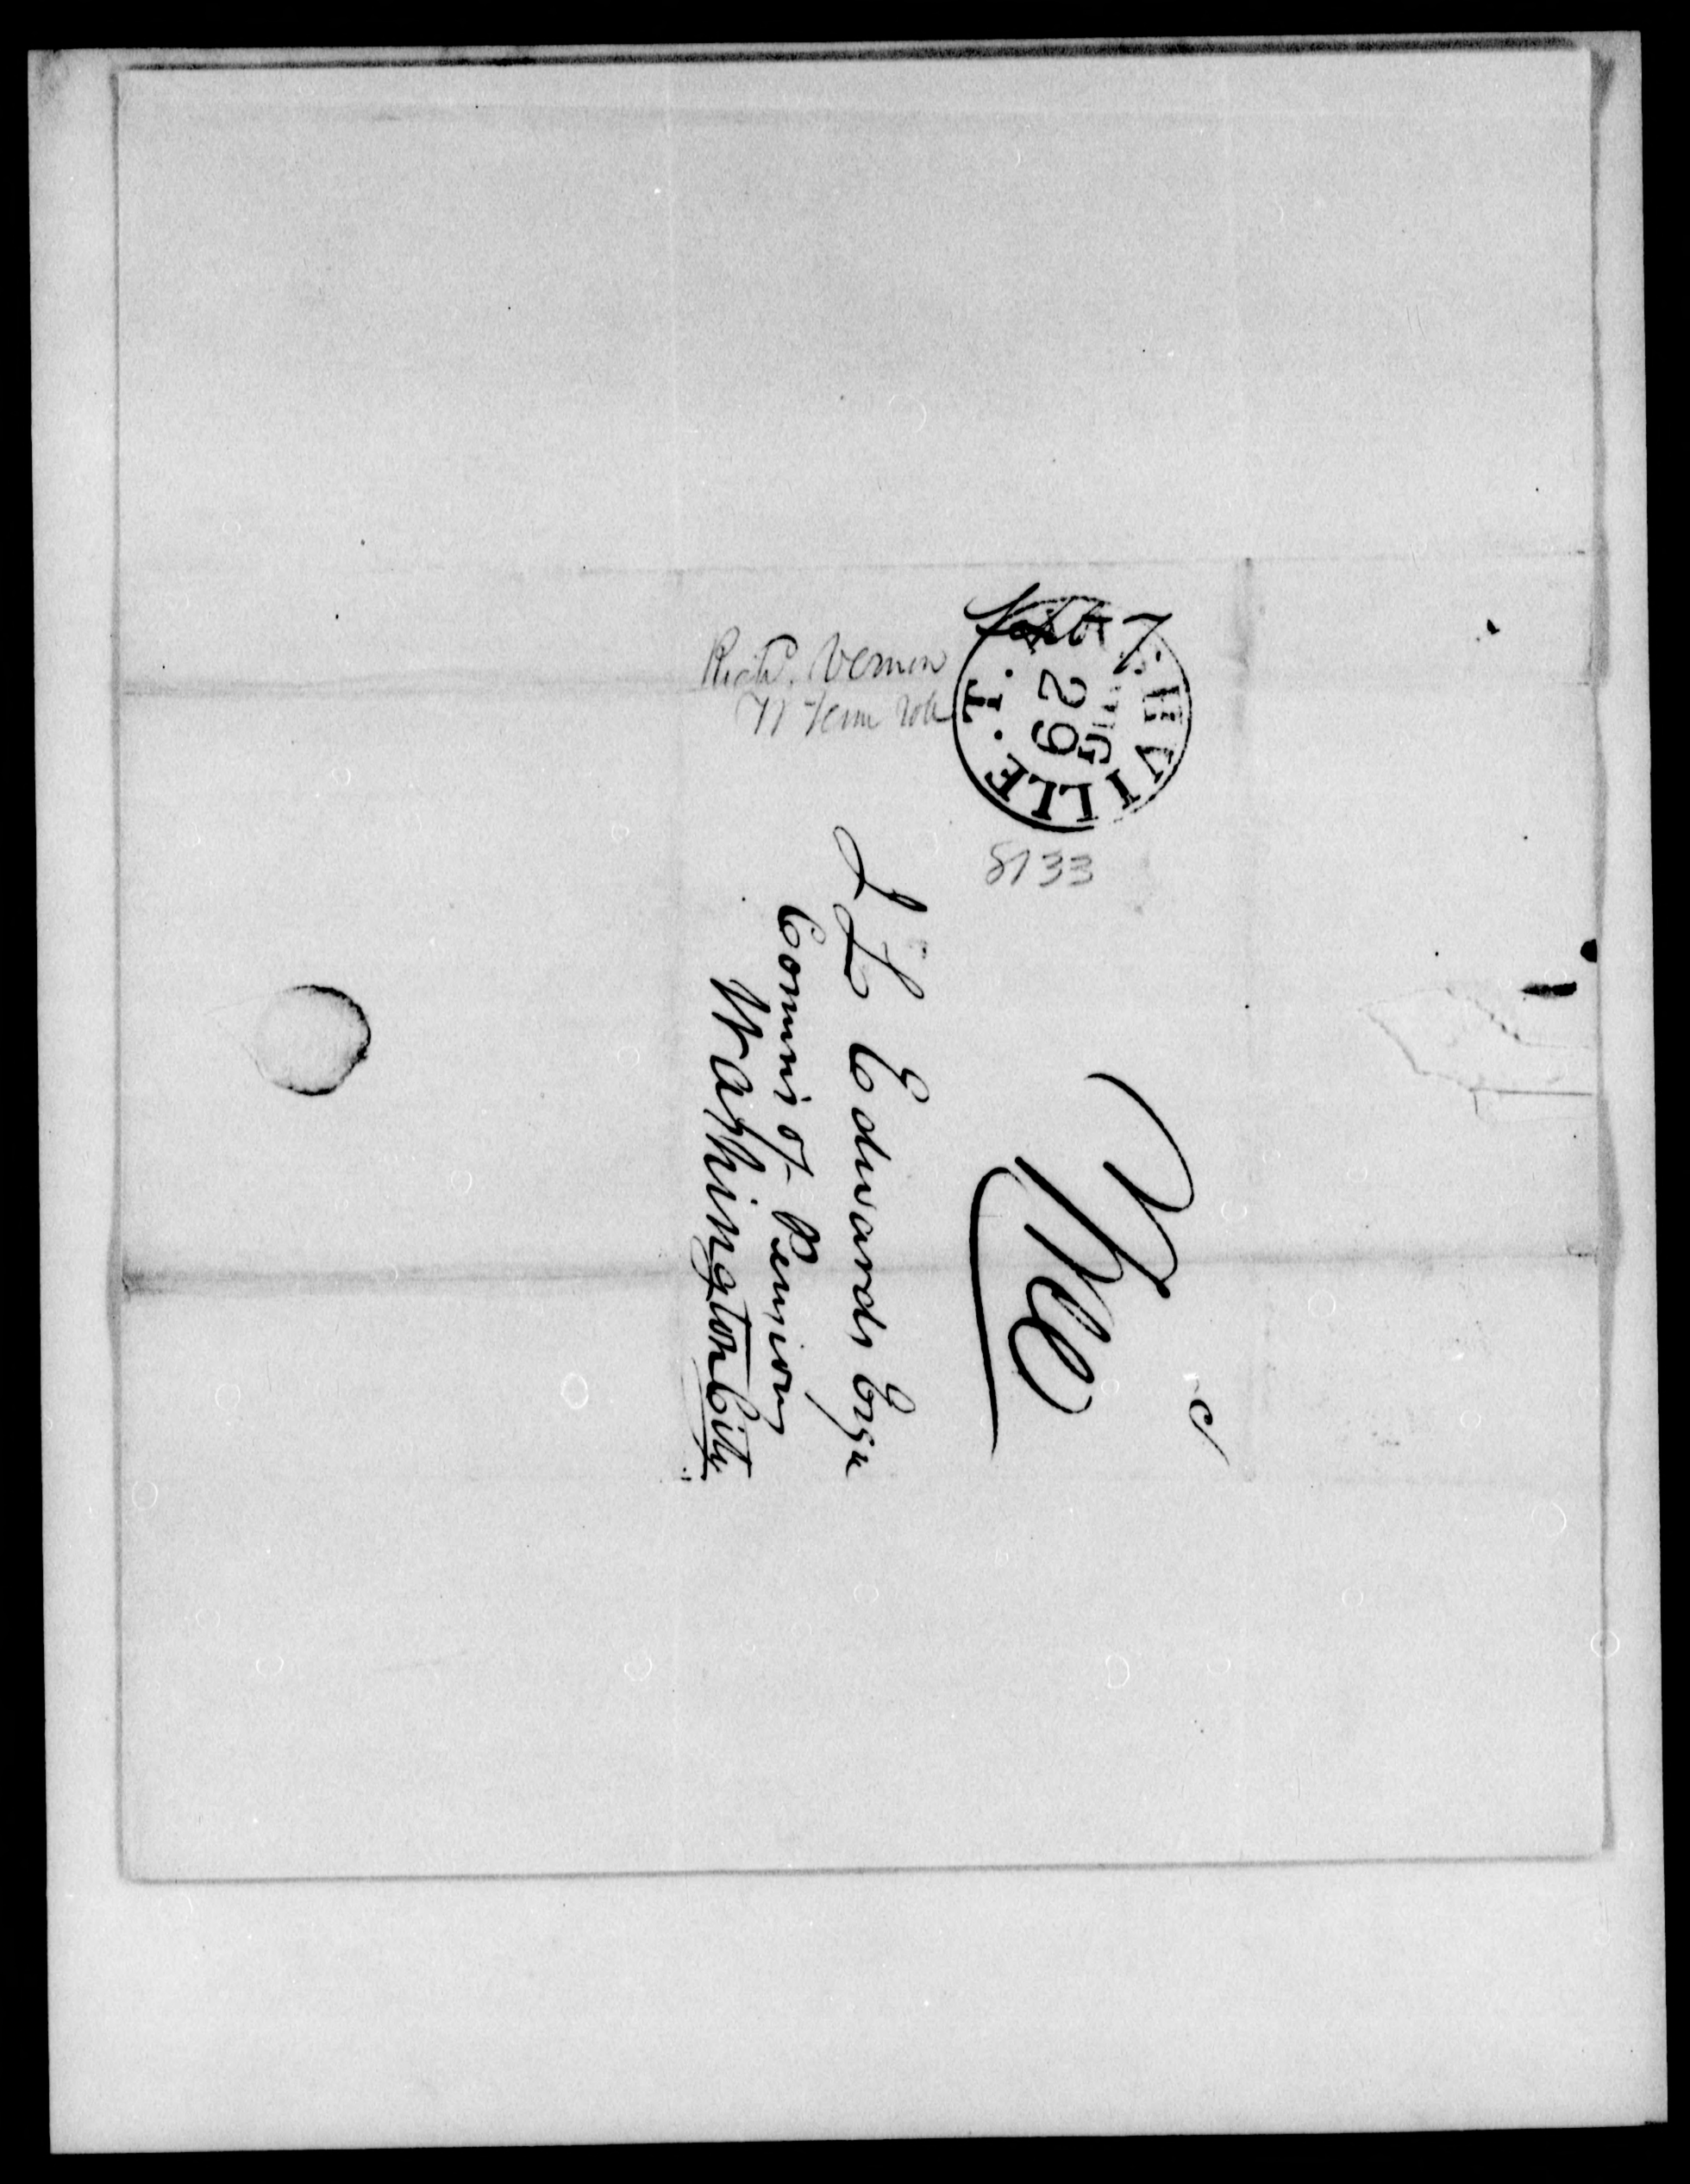Rich. Vernon
W Tenn
8133
Circular seal: SHVILLE .T. AUG 29
 J. L. Edwards Esqr.
Commissioner of Pensions
Washington City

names: J L Edwards, Richd Vernon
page: 63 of 105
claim: survivor's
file: S. 1883, Richard Vernon, N.C.